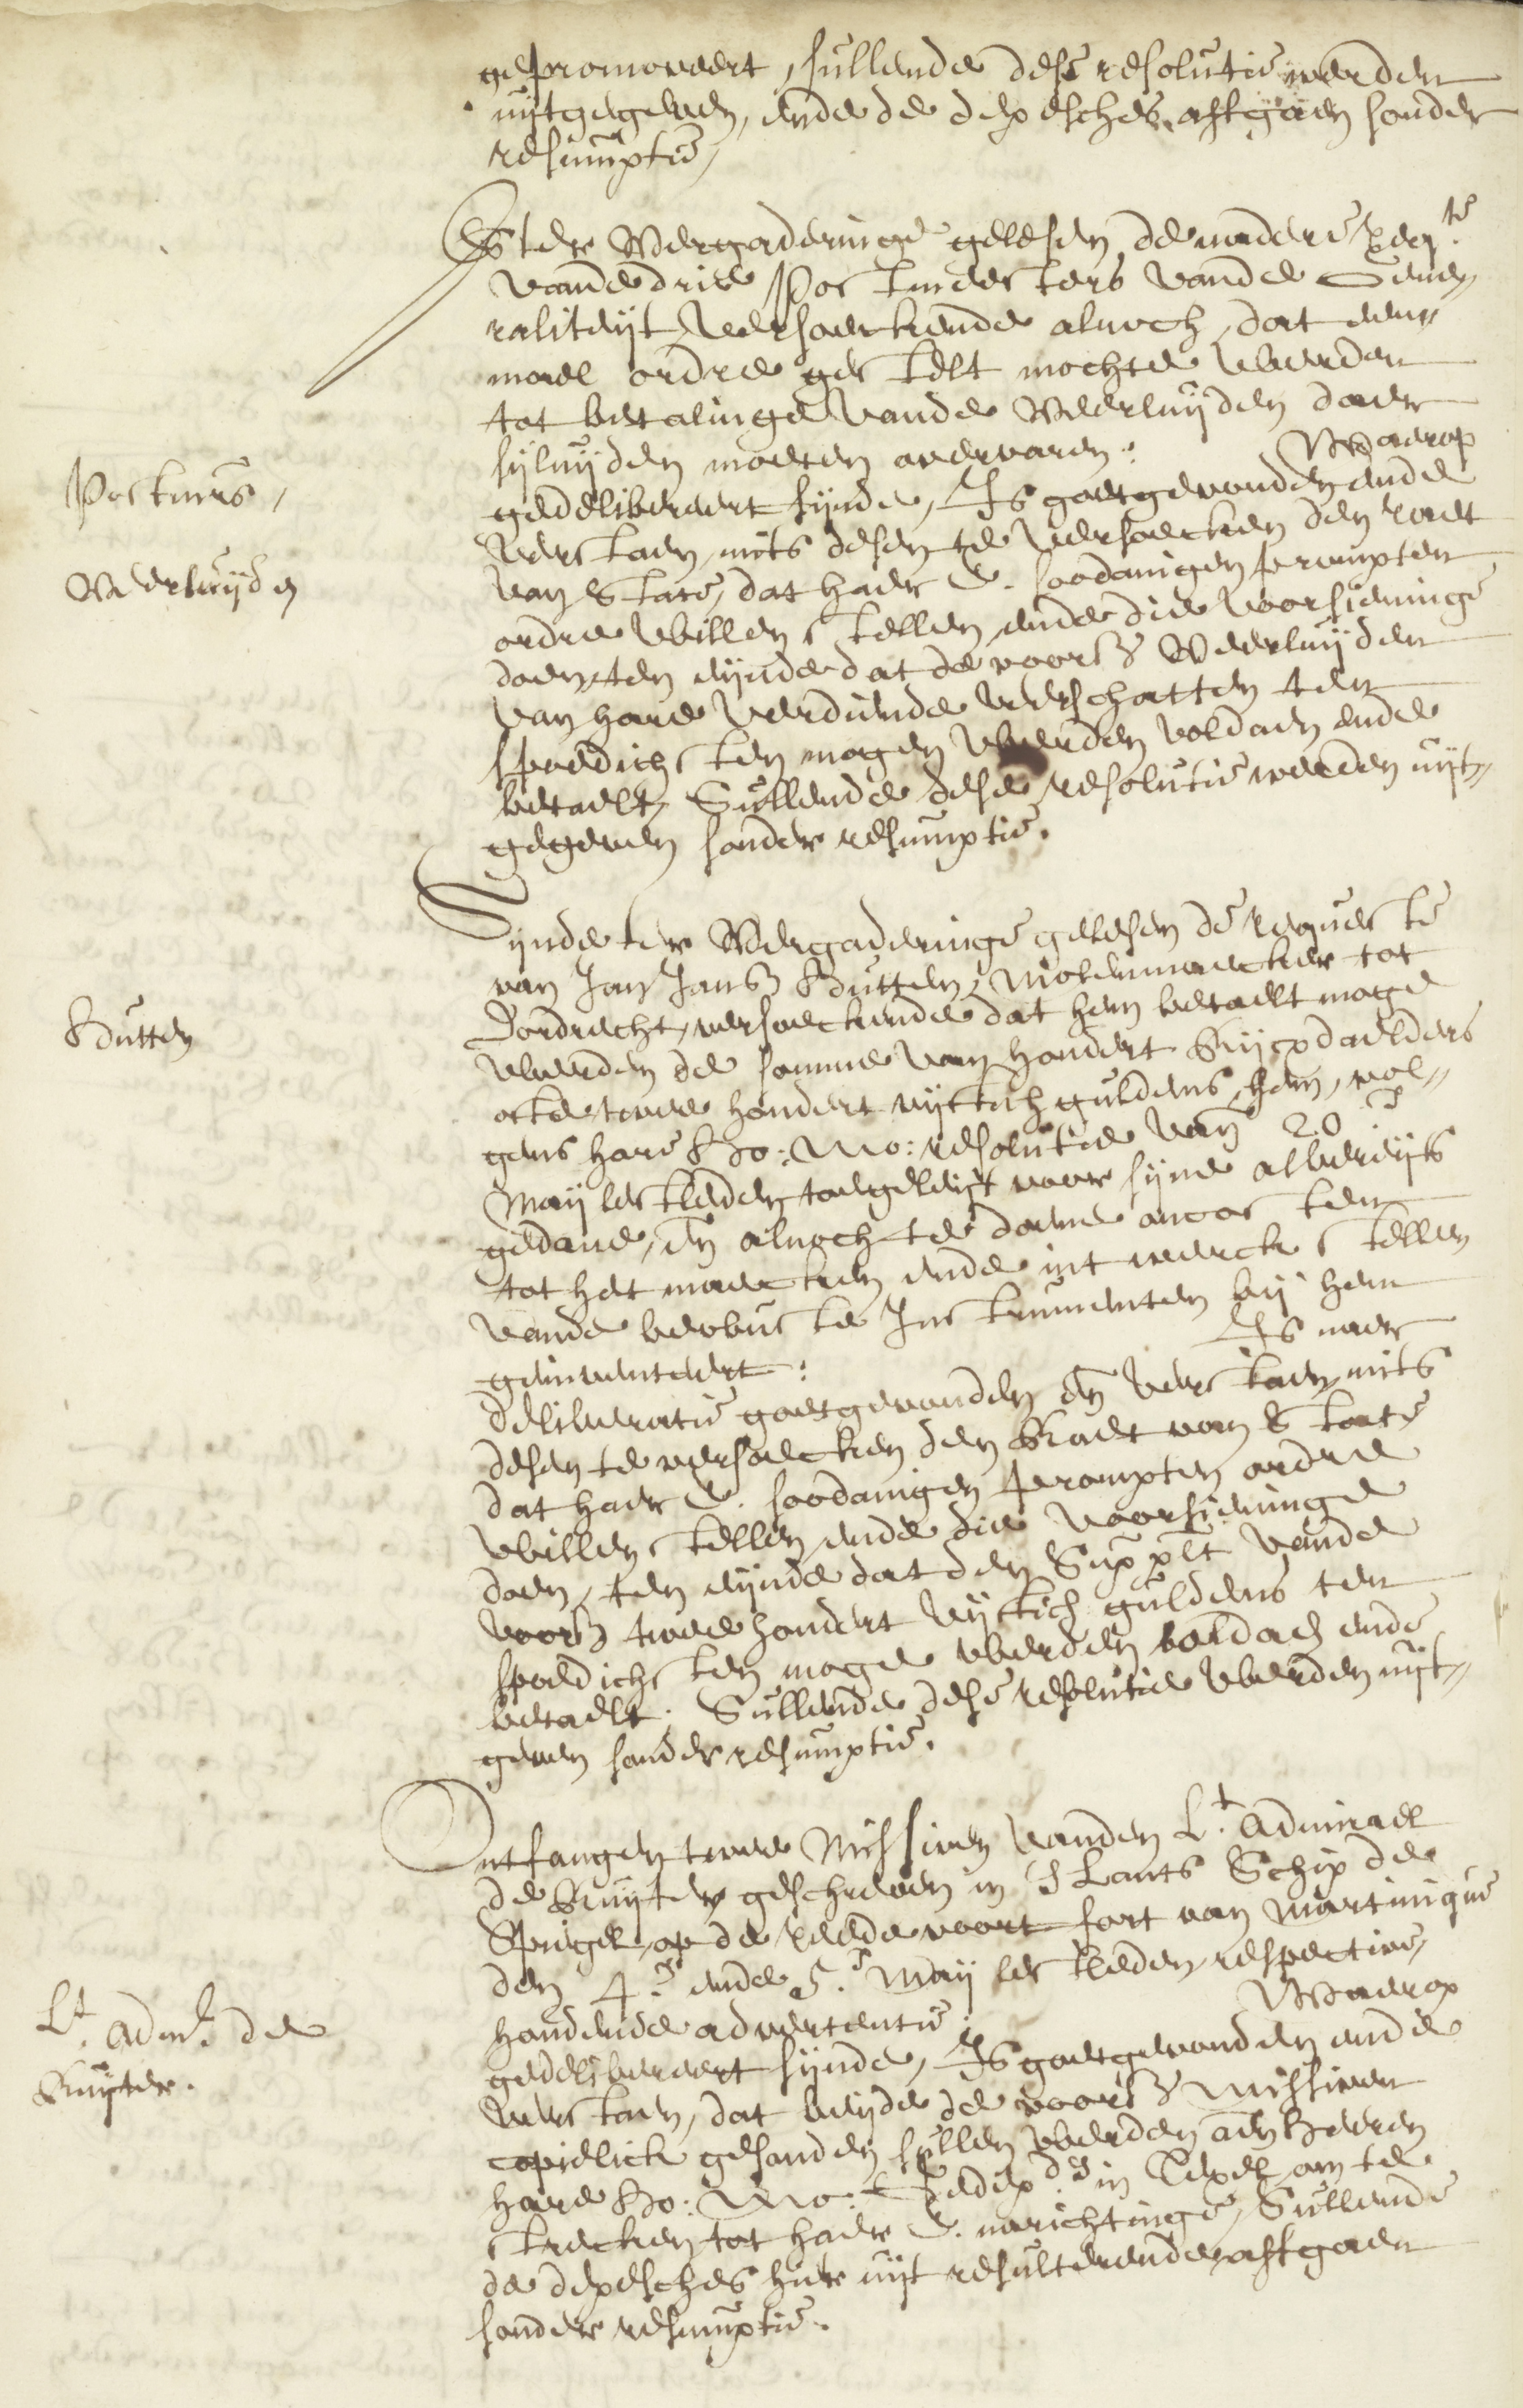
gepromoveert, sullende dese resolutie werden
uijtgegeven, ende de depesches affgaen sonder
resumptie.
Postmrs.
Vaerluijden
Is ter Vergaderinge gelesen de nadere Reqte.
vande drie Postmeesters vande Gene„
raliteijt, versoeckende alnoch, dat een„
mael ordre gestelt mochte werden
tot betalinge vande Veerluijden daer
sijluijden moeten overvaren: Waerop
gedelibereert sijnde, Is goetgevonden ende
verstaen, mits desen te versoecken den raet
van State, dat haer E. soodanigen prompten
ordre willen stellen, ende die voorsieninge
doen, ten eijnde dat de voorsz Veerluijden
van hare verdiende veerschatten ten
spoedichsten mogen werden voldaen ende
betaelt, Sullende dese resolutie werden uijt„
gegeven sonder resumptie.
Hutten
Sijnde ter Vergaderinge gelesen de requeste
van Jan Jansz Hutten, Molenmaecker tot
Dordrecht, versoeckende dat hem betaelt moge
werden de somme van hondert Rijcxdaelders
offe twee hondert vijftich guldens, hem we„
gens hare Ho:Mo: resolutie van 20en
Maij lestleden toegeleijt voer sijne albereijts
gedane, en alnoch te doene oncosten
tot het maecken ende int werck stellen
vande bewuste Instrumenten bij hem
geinventeert: Is naer
deliberatie goetgevonden en verstaen, mits
desen te versoecken den Raet van State
dat haer E. soodanigen prompten ordre
willen stellen, ende die voorsieninge
doen, ten eijnde dat den Supplt vande
voorsz twee hondert vijftich guldens ten
spoedichsten moge werden voldaen ende
betaelt; Sullende dese resolutie werden uijt„
geven sonder resumptie.
Lt. Adml. de
Ruijter.
Ontfangen twee Missiven vanden Lt. Admirael
de Ruijter, geschreven in ‛sLants Schip de
Spiegel, op de Reede voort fort van Martinique
den 4.en ende 5. Maij lestleden, respective,
houdende advertentie. Waerop
gedelibereert sijnde, Is goetgevonden ende
verstaen, dat beijde de voorsz Missiven
copielick gesonden sullen werden aen Heeren
hare Ho:Mo: Gedepden in Texel om te
strecken tot haer E. narichtinge, Sullende
de depesches hier uijt resulterende, affgaen
sonder resumptie.
